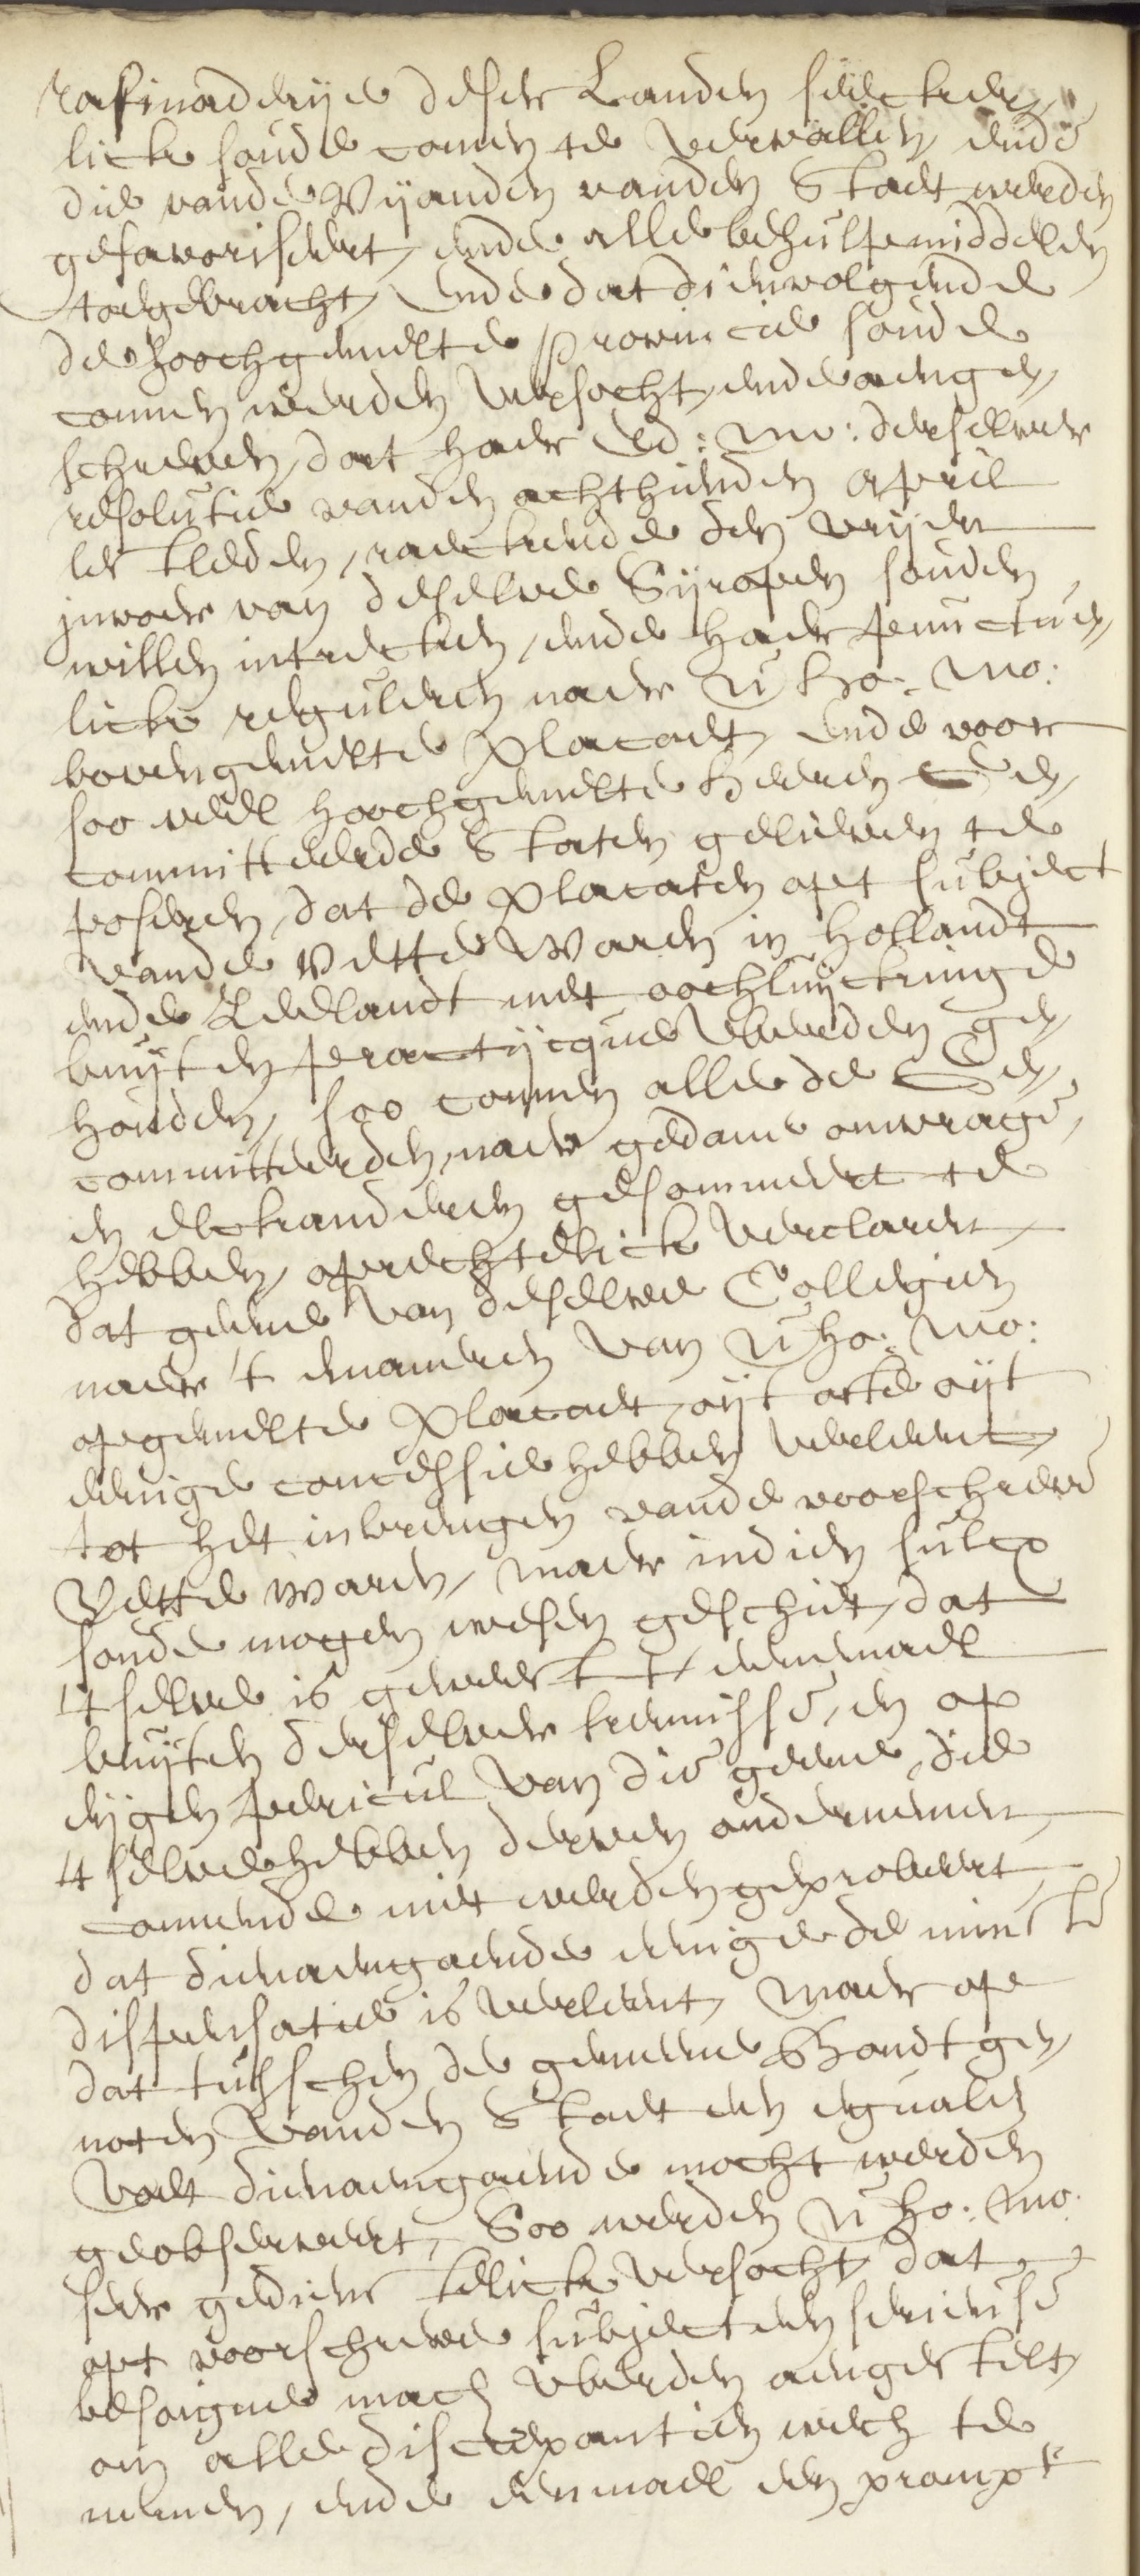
rafinaderije deser Landen seecker,,
lick soude comen te vervallen, ende
die vande Vijanden vanden Staet werden
gefavoriseert, ende alle behulpmiddelen
toegebracht, ende dat dienvolgende
de hoochgemelte provincie soude
connen werden versocht, ende aenge„
schreven, dat haer Ed:Mo: derselver
resolutie vanden achthienden april
lestleden, raeckende den vrijen
invoer van deselve Sijropen souden
willen intrecken, ende haer punctue,
lick reguleren naer U Ho:Mo:
bovengemelte placaet, ende voor
soo veel hoochgemelte Heeren Ge,,
committeerde Staten gelieven te
poseren, dat de placaten opt subject
vande Vette Waren in Hollandt
ende Zeelandt met oochluijckinge
buijten practijcque werden ge,,
houden, soo connen alle de Ge,,
committeerden, naer gedane omvrage,
en elckanderen gesommeert te
hebben, oprechtelick verclaren,
dat geene van deselve Collegien
naer 't emaneren van U ho:Mo:
opgemelte Placaet, oijt ofte oijt
eenige concessie hebben verleent,
tot het inbrengen vande voorschreve
Vette waren, maer indien sulcx
soude mogen wesen geschiet, dat
't selve is geweest t' eenemael
buijten derselver kennisse, en op
eijgen pericul van die geene, die
't selve hebben derven ondernemen
connende niet werden geprobeert
dat dienaengaende eenige de minste
dispensatie is verleent, maer op
dat tussschen de gemeene Bondt ge,,
noten vanden Staet een egualen
voet dienaengaende mocht werden
geobservert, soo werden U Ho:Mo:
seer gedienstelick versocht, dat
opt voorschreve subject een serieuse
besoigne mach werden aengestelt,
om alle discrepantien wech te
nemen, ende eenmael een prompt
